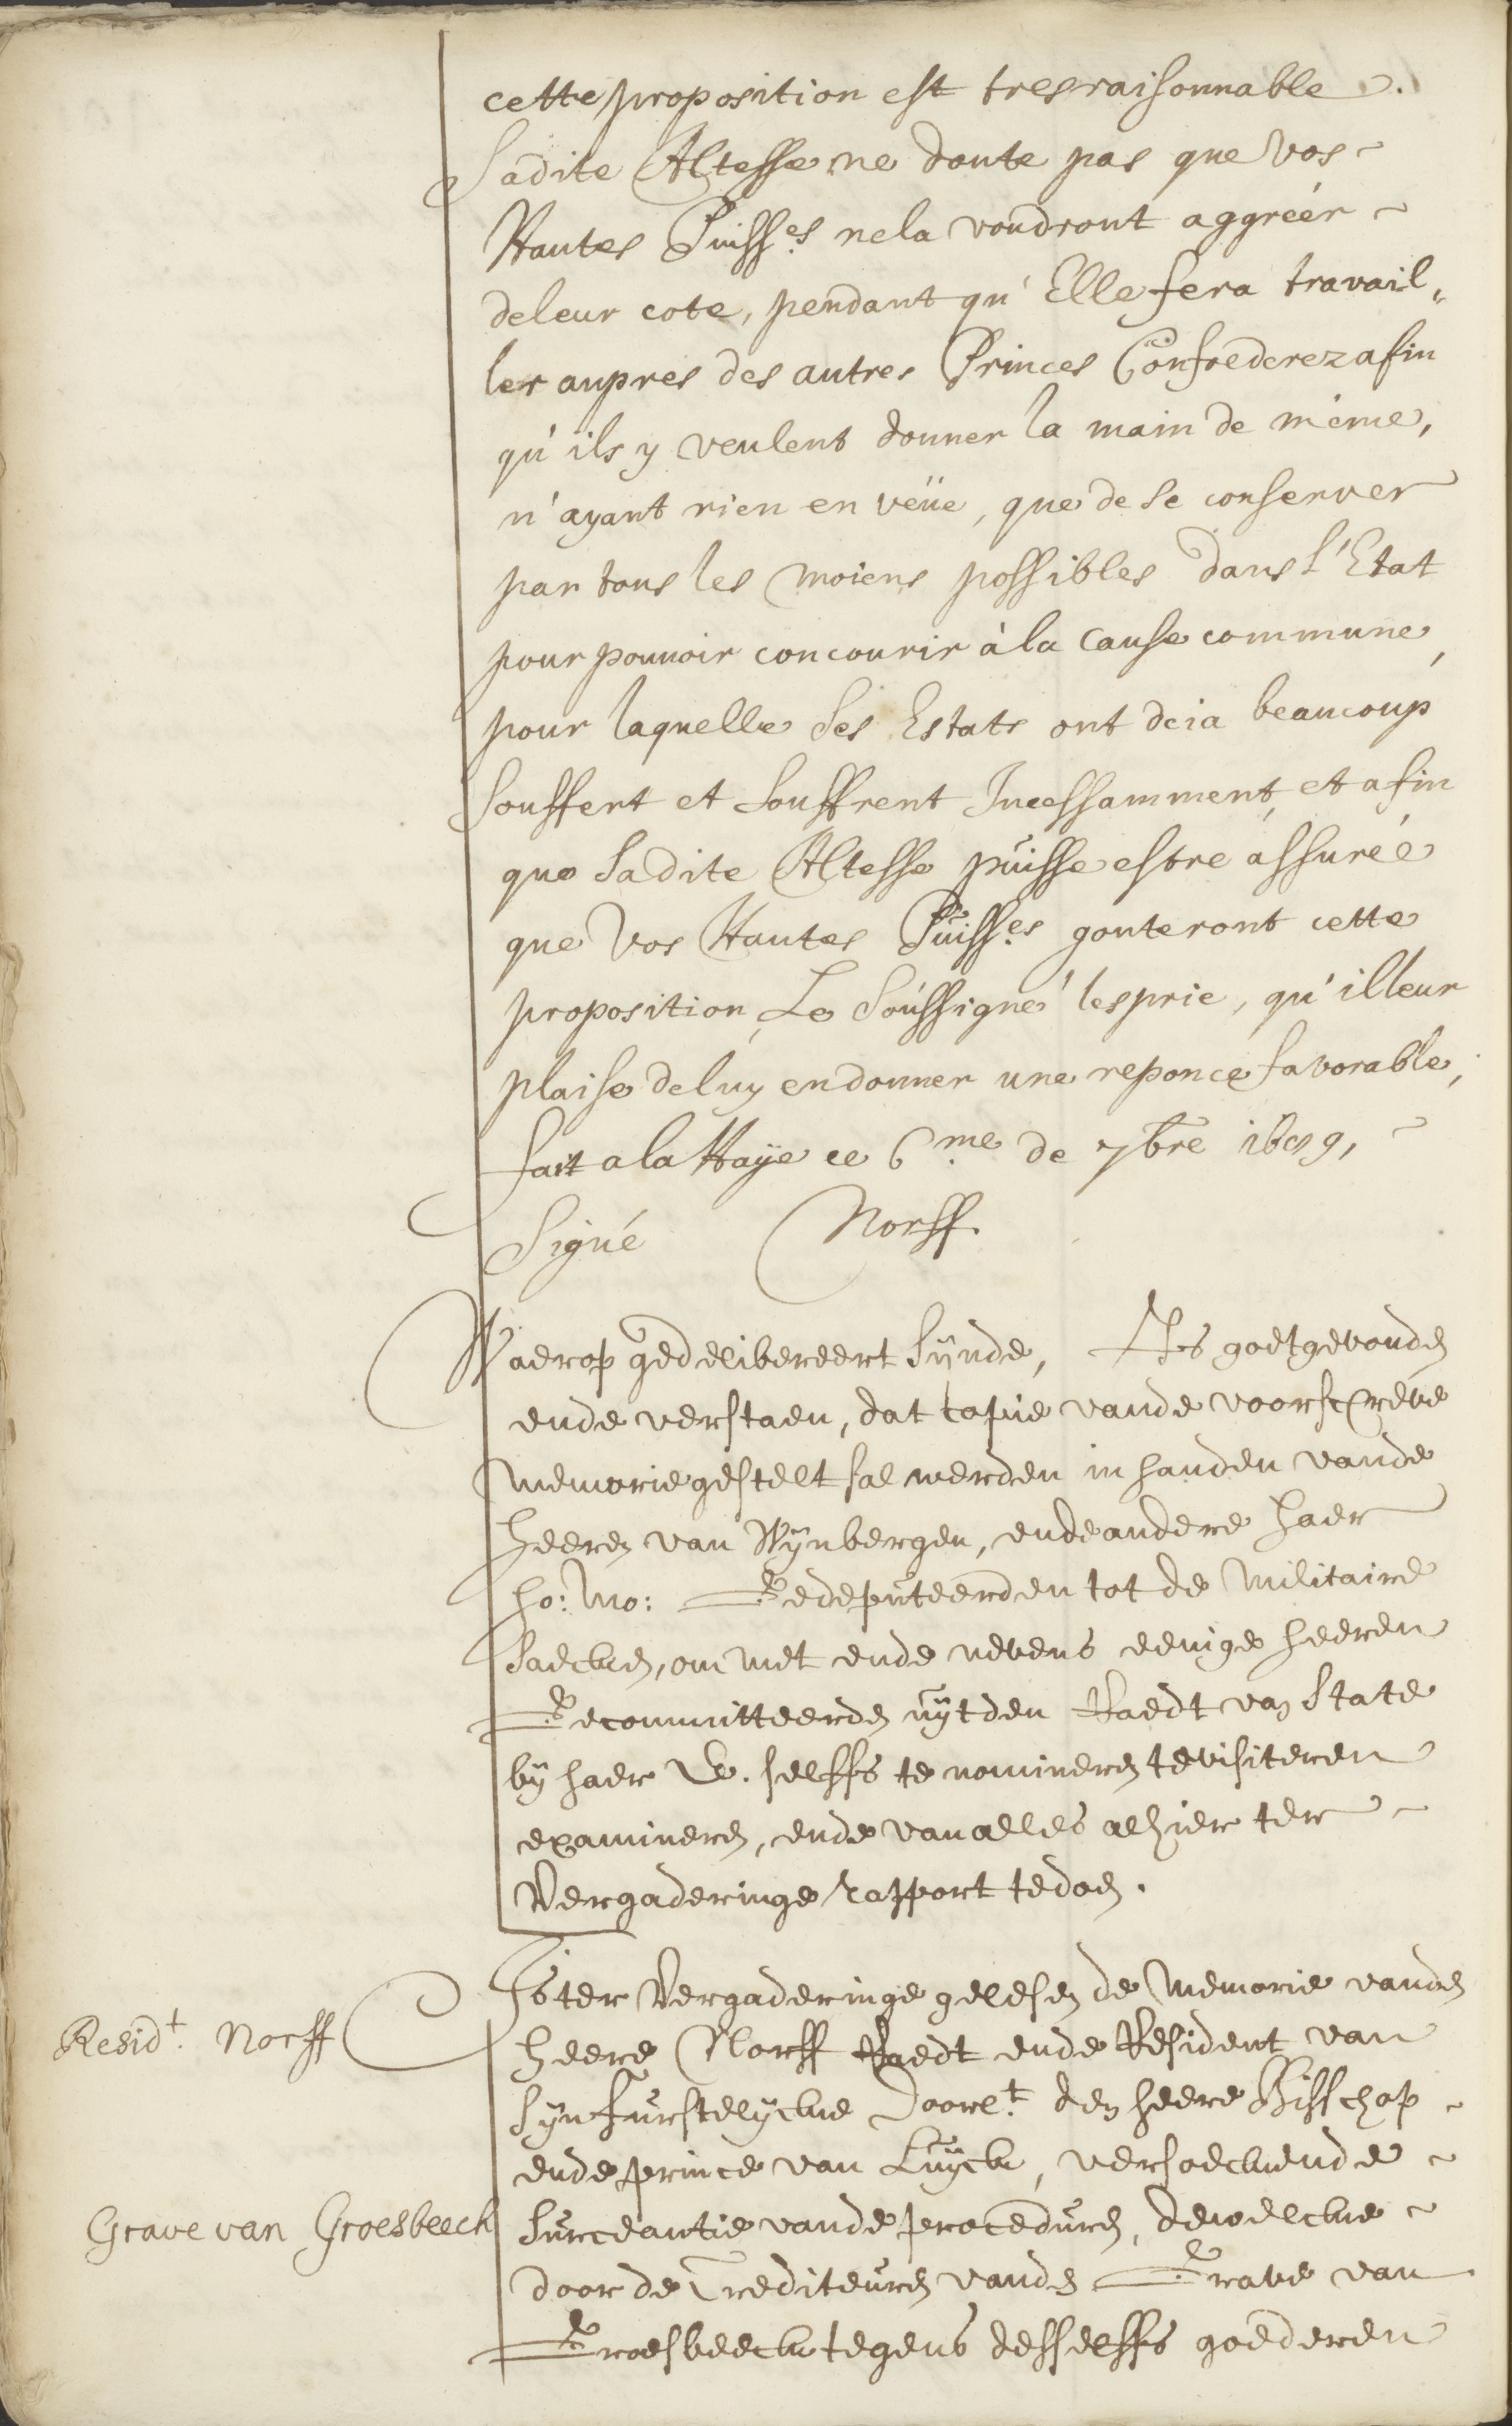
cette proposition est tres raisonnable.
Sadite Altesse ne doute pas que vos
Hautes Puisses nela voudront aggreér
deleur cote, pendant qu'Elle fera travail,,
ler aupres des autres Princes Confoederez a fin
qu'ils y veulent donner la man de meme
n'ayant rien en veüe, que de se conserver
par tous les moiens possibles dans L'Etat
pour pouvoir concourir a'la cause commune
pour laquelle ses Estats ont deia beaucoup
souffert et souffrent Incessamment, et afin
que Sadite Altesse puisse estre assurée
que Vos Hautes Puisses. gouteront cette
proposition Le Soussigné lesprie, qu'il leur
plaise de luy en donner une reponce favorable,
fait a la Haije ce 6.me de 7bre 1689.
Signe Norff
Waerop gedelibereert sijnde, Is goetgevonden
ende verstaen, dat copie vande voorschreve
memorie gestelt sal werden in handen vande
heeren van Wijnbergen, ende andere haer
ho:mo: Gedeputeerden tot de militaire
saecken, om met ende nevens eenige heeren
Gecommitteerden uijt den Raedt van State
bij haer E. selffs te nomineren te visiteren
examineren, ende vanalles alhier ter
Vergaderinge rapport te doen.
Residt. Norff
Grave van Groesbeeck
Is ter vergaderinge gelesen de memorie vanden
heere Norff Raedt ende Resident van
sijn furstelijcke Doorlt. den heere Bisschop-
ende Prince van Luijck, versoeckende
surceantie vande proceduren, dewelcke-
door de Crediteuren vanden Grave van
Groesbeeck tegens desselffs goederen
